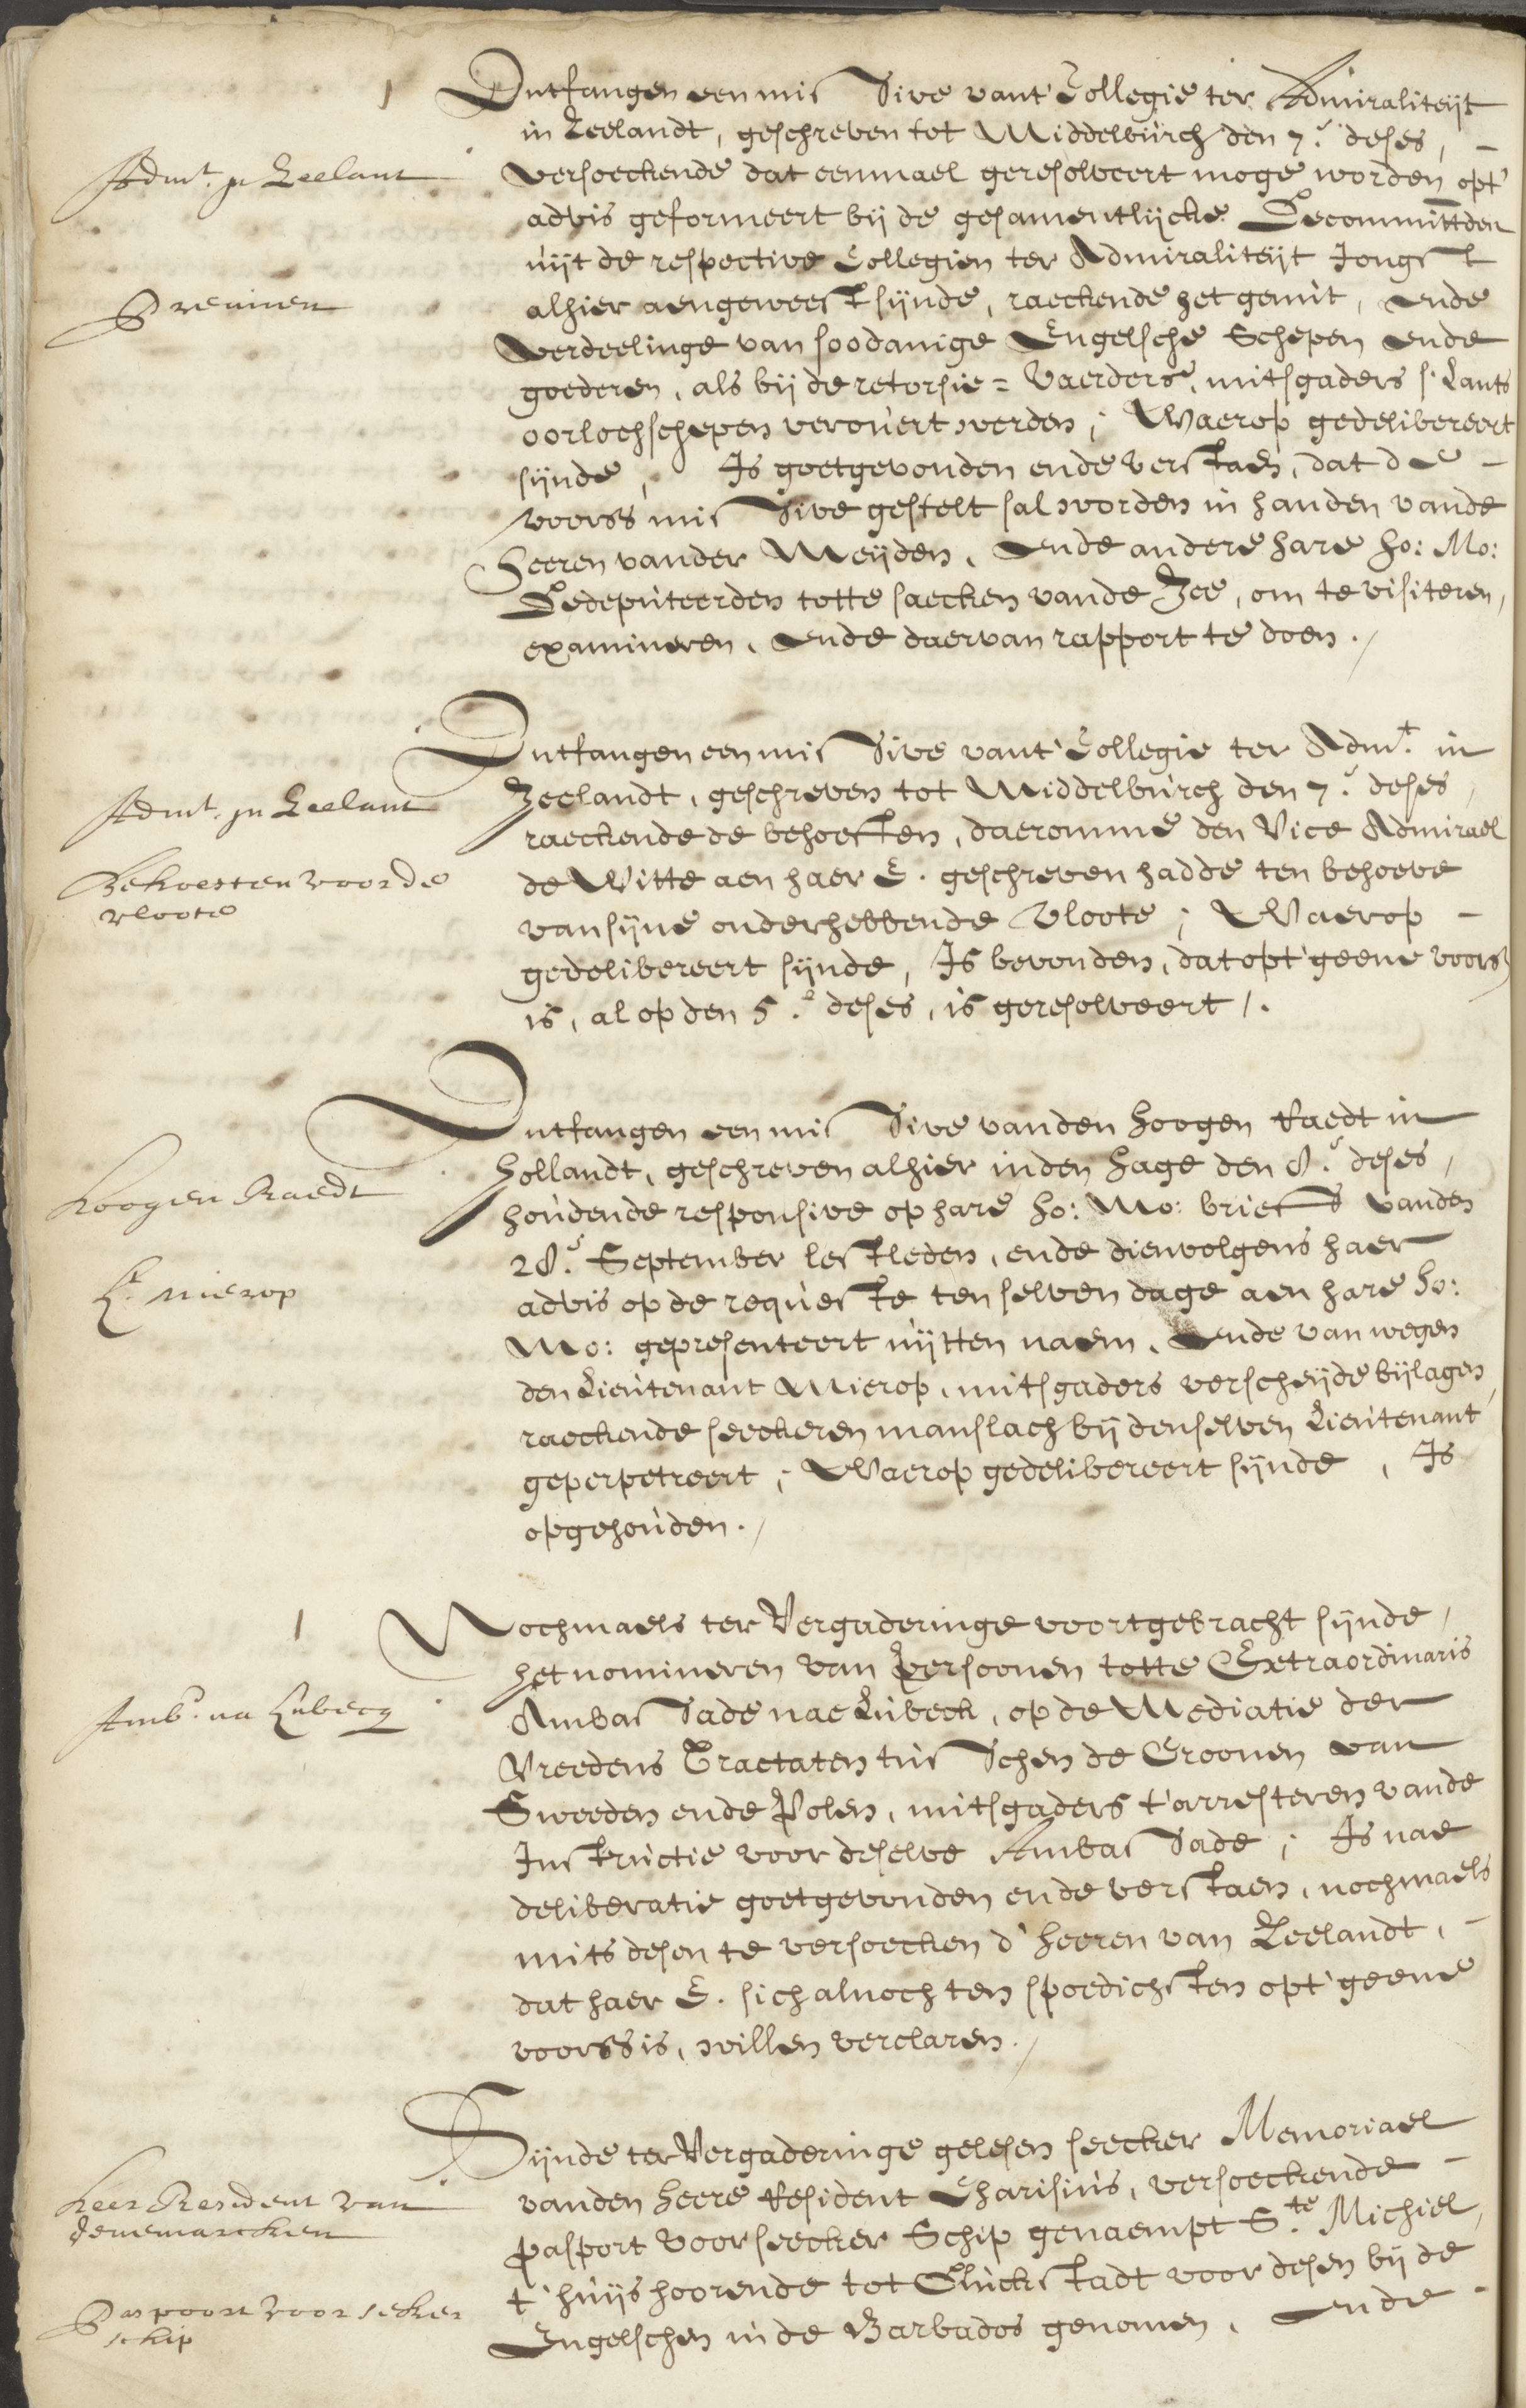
Admt. in Zeelant
Premien
Ontfangen een missive vant' Collegie ter Admiraliteijt
in Zeelandt, geschreven tot Middelburch den 7e. deses,
versoeckende dat eenmael geresolveert moge worden opt'
advis geformeert bij de gesamentlijcke Gecommittden
uijt de respective Collegien ter Admiraliteijt Jongst
alhier aengeweest sijnde, raeckende het genut, ende
verdeelinge van soodanige Engelsche Schepen ende
goederen, als bij de retorsie=vaerders, mitsgaders s'Lants
oorlochschepen verouert werden; Waerop gedelibereert
sijnde, Is goetgevonden ende verstaen, dat de
voorsz missive gestelt sal worden in handen vande
heeren vander Meijden, ende andere hare Ho:Mo:
Gedeputeerden totte saecken vande Zee, om te visiteren,
examineren, ende daervan rapport te doen.
Admt. in Zeelant
Behoeften voor de
vloote
Ontfangen een missive vant' Collegie ter Admt. in
Zeelandt, geschreven tot Middelburch den 7e. deses,
raeckende de behoeften, daeromme den Vice Admirael
de Witte aen haer E. geschreven hadde ten behoeve
van sijne onderhebbende vloote. Waerop
gedelibereert sijnde, Is bevonden, dat opt' geene voorsz
is, al op den 5e. deses, is geresolveert.
Hoogen Raedt
Lt. nierop
Ontfangen een missive van den Hoogen Raedt in
Hollandt, geschreven alhier in den Hage den 8e. deses,
houdende responsive op hare Ho:Mo: brieff vanden
28e. September lestleden, ende dienvolgens haer
advis op de requeste ten selven dage aen hare Ho:
Mo: gepresenteert uijtten naem, Ende van wegen
den Lieutenant Mierop, mitsgaders verscheijde bijlagen
raeckende seeckeren manslach bij denselven Lieutenant
geperpetreert; Waerop gedelibereert sijnde, Is
opgehouden.
Ambr. na Lubecq
Nochmaels ter Vergaderinge voortgebracht sijnde,
het nomineren van persoonen totte Extraordinaris
Ambassade nae Lubeck, op de Mediatie der
Vreedens Tractaten tusschen de Croonen van
Sweeden ende Polen, mitsgaders t'arresteren van de
Instructie voor deselve Ambassade; Is nae
deliberatie goetgevonden ende verstaen, nochmaels
mitsdesen te versoecken d'heeren van Zeelandt,
dat haer E. sich alnoch ten spoedichsten opt' geene
voorsz is, willen verclaren.
heer Resident van
denemarcken
Paspoort voor seker
schip
Sijnde ter Vergaderinge gelesen seecker Memoriael
vanden heere Resident Charisius, versoeckende
pasport voor seecker Schip genaempt Ste. Michiel,
t'huijshoorende tot Gluckstadt voor desen bij de
Engelschen in de Barbados genomen. Ende
